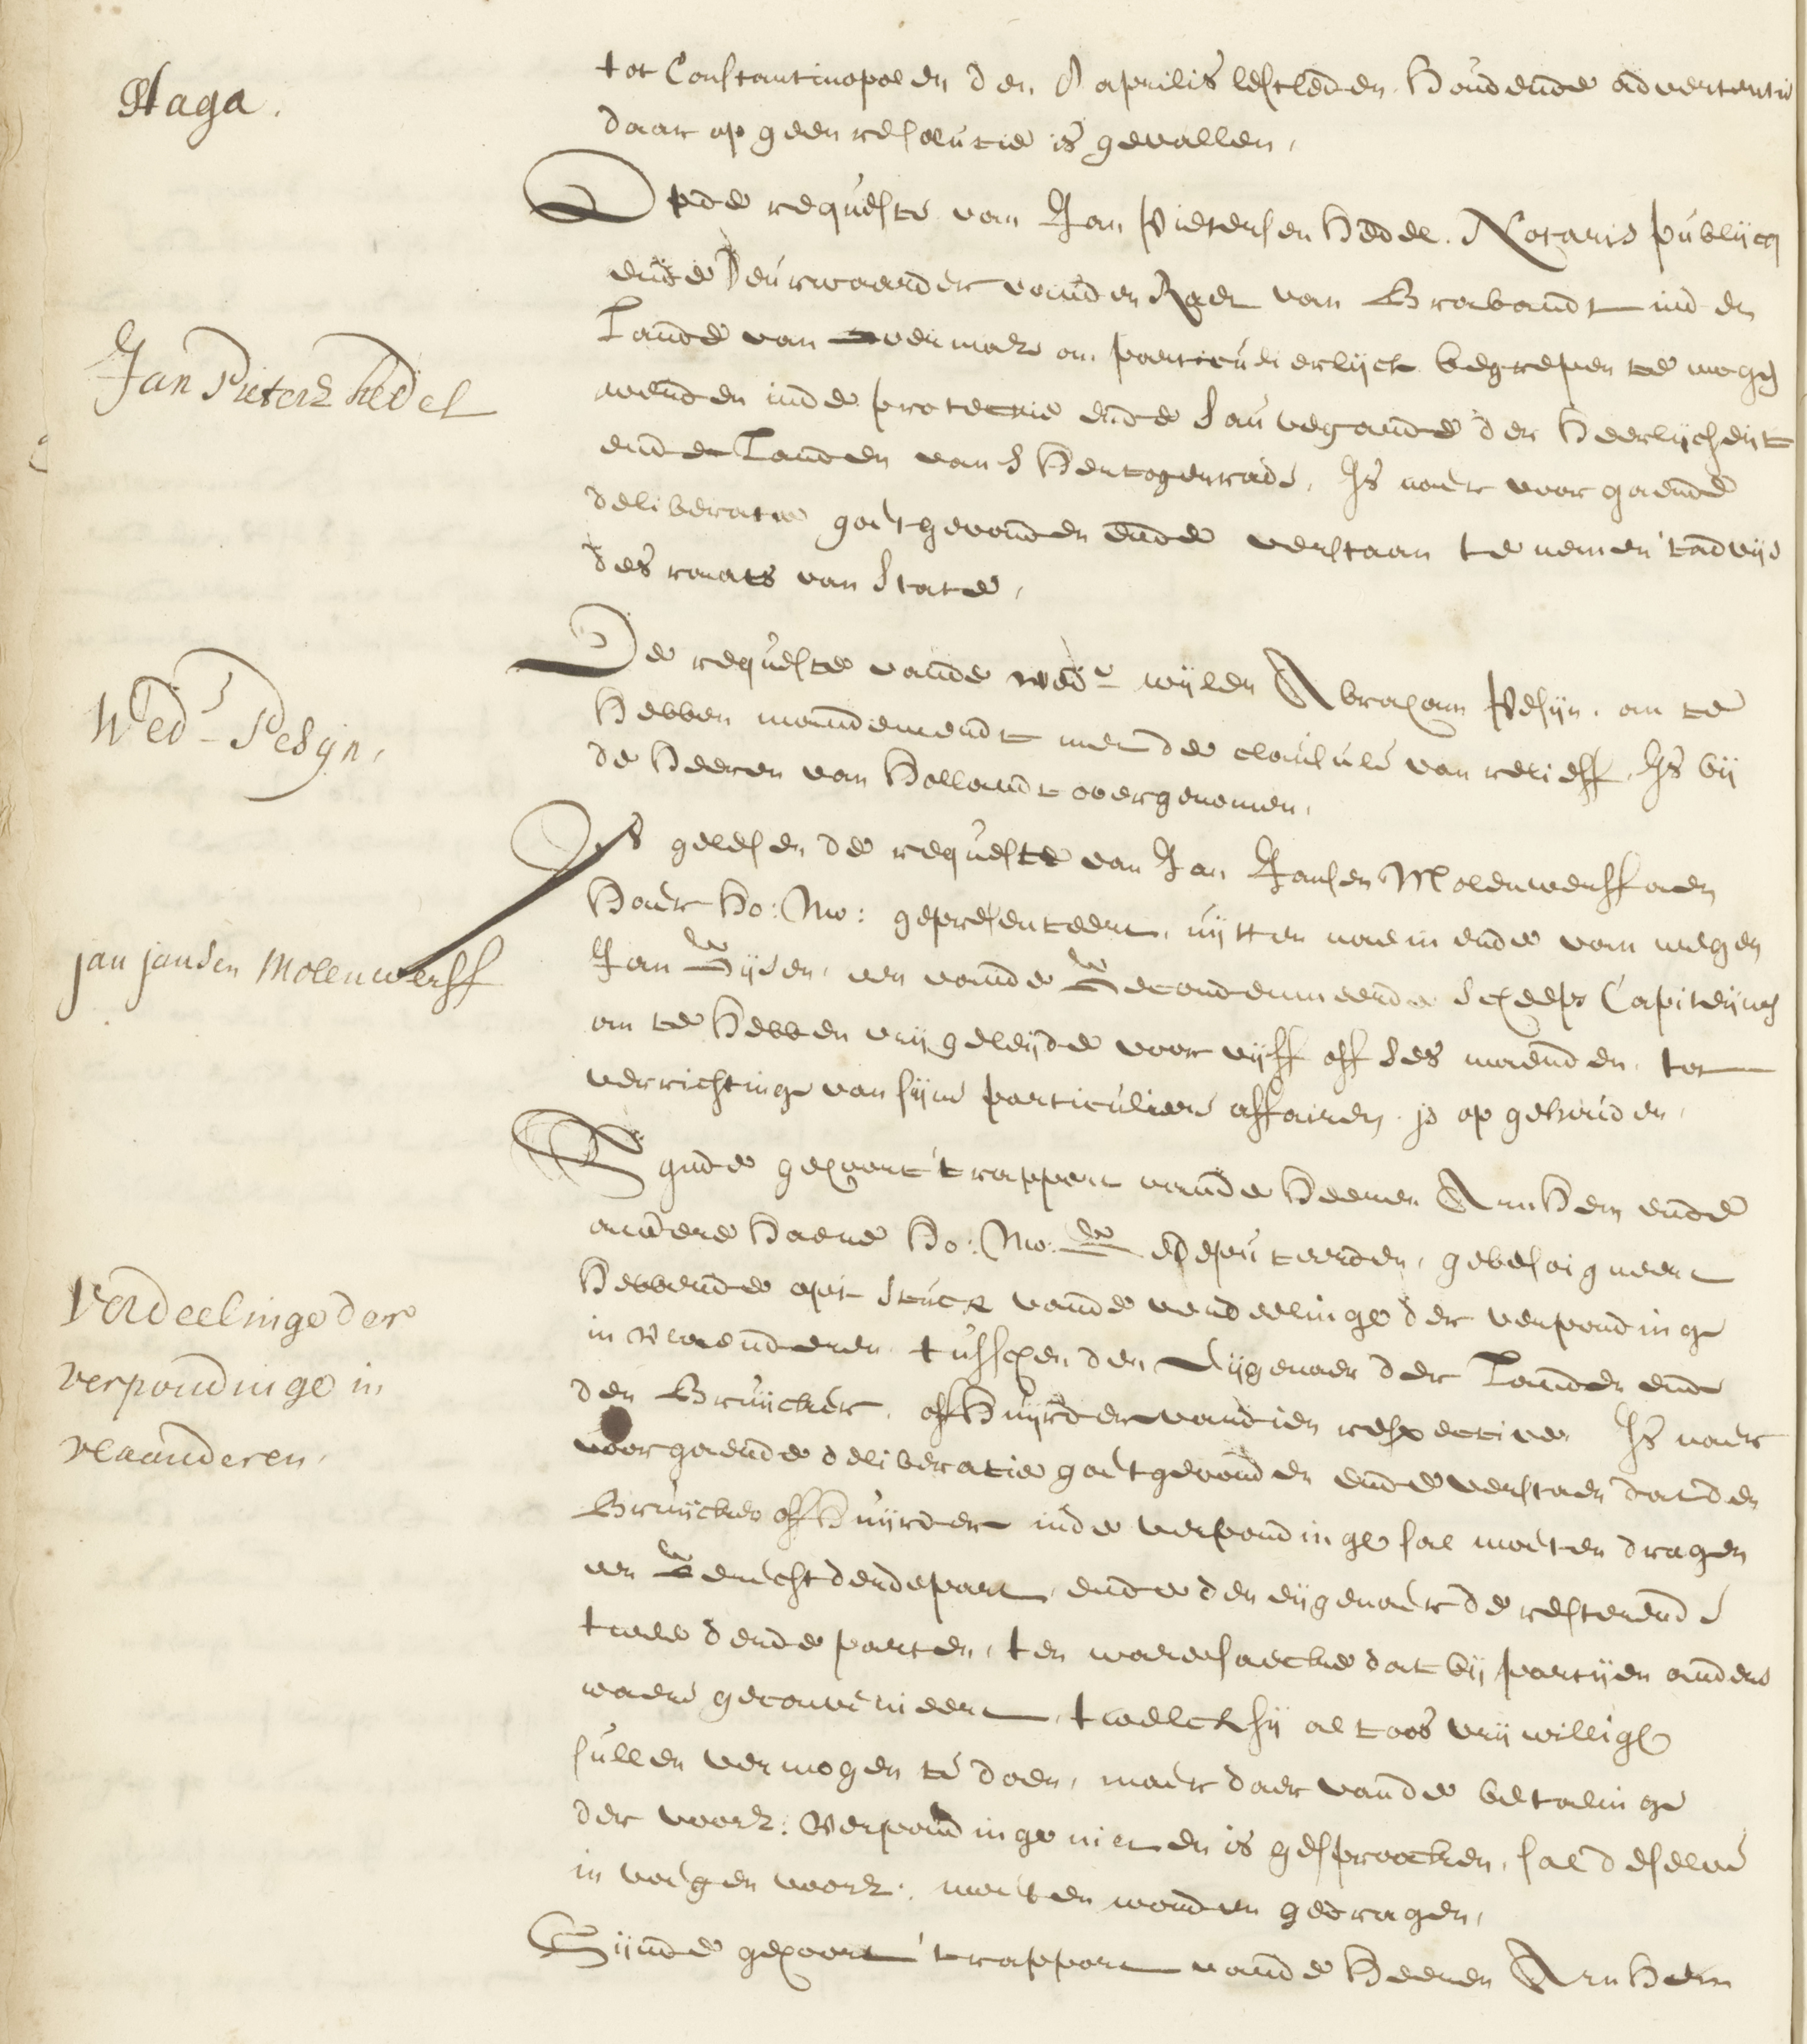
Haga
tot Constantinopelen den 8 aprilis lestleden houdende advertentie
daar op geen resolutie is gevallen.
Jan Pieterz Hedel
Opde requeste van Jan Pietersen Hedel Notaris Publijcq
ende Deurwaerder vanden Raet van Brabandt inden
Lande van Overmaze om particulierlijck begrepen te mogen
werden inde protectie ende sauvegarde der heerlijcheijt
ende Landen van s Hertogenrade. Is naer voorgaende
deliberatie goetgevonden ende verstaen te nemen 't advijs
des raets van State.
Wede. Pesijn
De requeste vande wede wijlen Abraham Pesijn, om te
hebben mandemendt met de clausule van relieff. Is bij
de heeren van Hollandt overgenomen.
jan jansen Molenwerff
Is gelesen de requeste van Jan Jansen Molenwerff aen
haer Ho:Mo: gepresenteert, uijtten naem ende van wegen
Jan Gijsen, een vande Gecondemneerde scheeps Capiteijnen
om te hebben vrijgeleijde voor vijff off ses maenden tot
verrichtinge van sijne particuliere affairen, is op gehouden.
Verdeelinge der
verpondinge in
Vlaenderen
Sijnde gehoort 't rapport vande heeren Arnhem ende
andere haere Ho:Mo: Gedeputeerden, gebesoigneert
hebbende opt stuck vande verdeelinge der verpondinge
in vlaenderen tusschen den Eijgenaer der Landen ende
den Bruijcker of Huijrder vandien respective. Is naer
voorgaende deliberatie goetgevonden ende verstaen dat den
bruijcker off huijrder inde verpondinge sal moeten dragen
een Gerecht derdepart, ende den eijgenaer de resterende
twee derde parten, ten waere saecke dat bij pertijen anders
waere geconvenieert, t welck hij altoos vrijwilligh
sullen vermogen te doen, maer daer van de betalinge
der voorz: verpondinge niet en is gesproocken, sal deselve
in voegen voorz: moeten worden gedragen.
Sijnde gehoort 't rapport vande Heeren Arnhem
